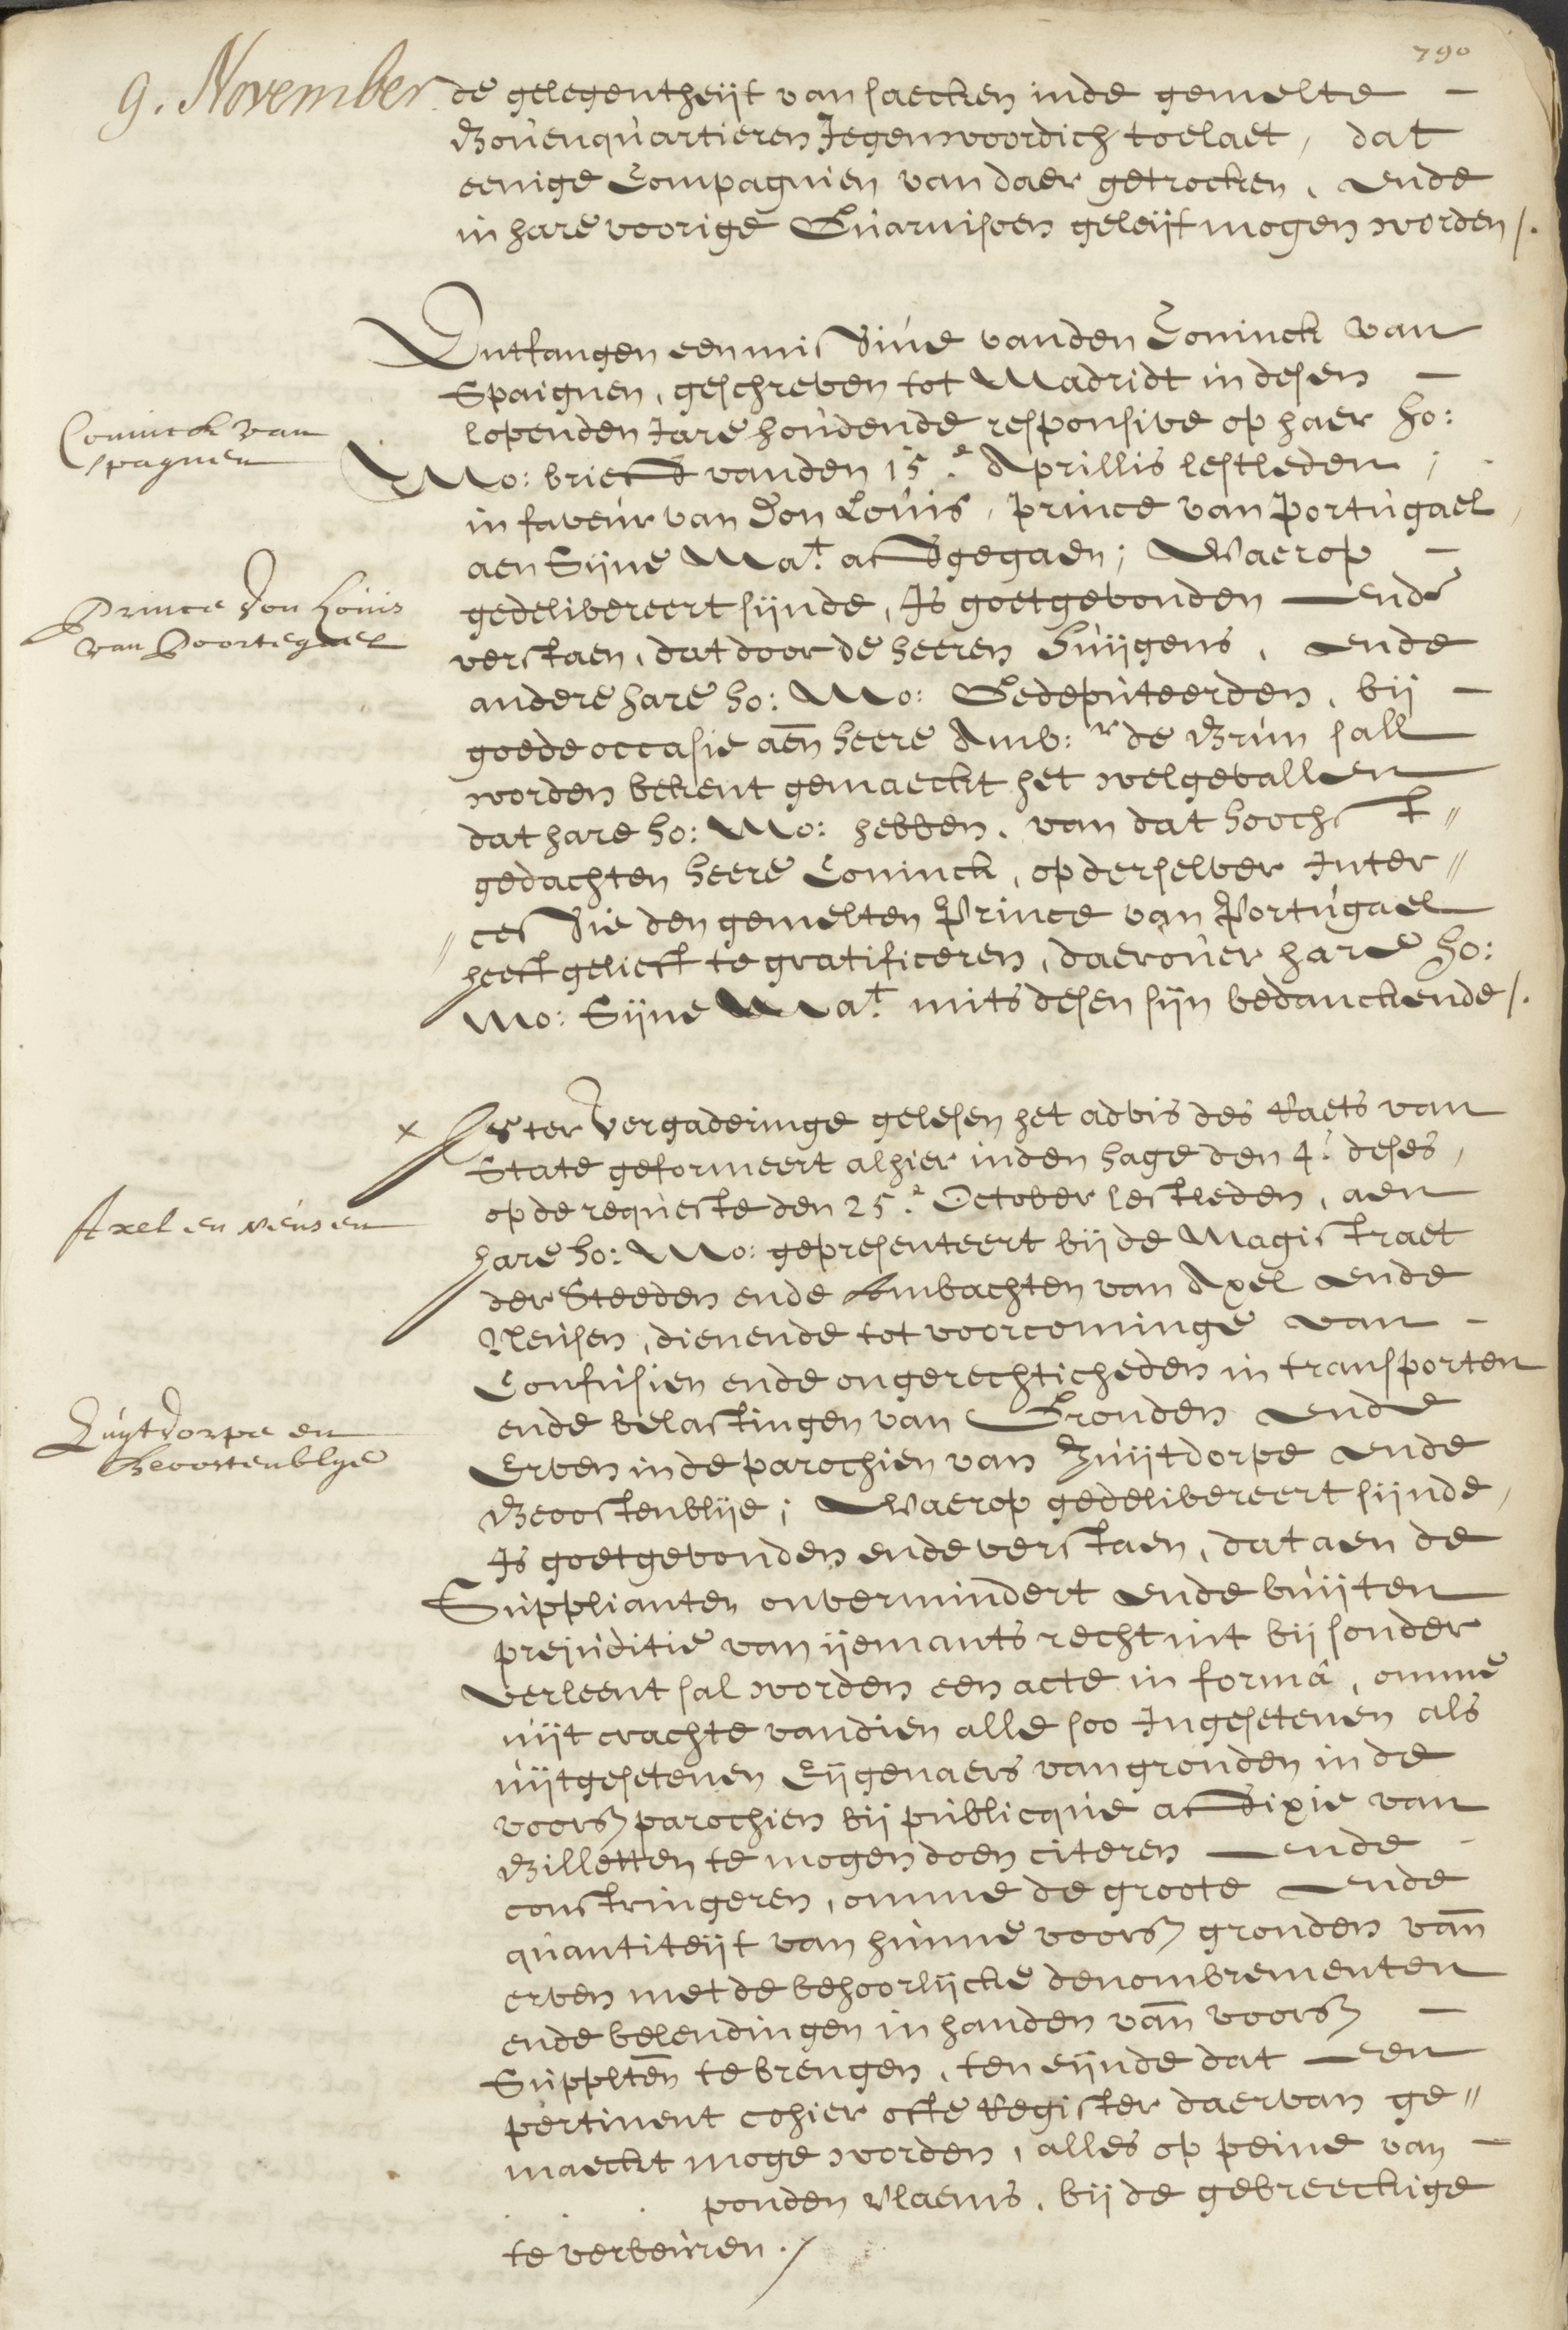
790
9. November.
de gelegentheijt van saecken inde gemelte —
Bouenquartieren Jegenwoordich toelaet, dat
eenige Compagnien van daer getrocken, ende
in hare voorige Guarnisoen geleijt mogen worden.
Coninck van
Spagnen
Prince don Louis
van Poortegael
Ontfangen een missiue vanden Coninck van
Spaignen, geschreven tot Madridt in desen —
lopenden Jare houdende responsive op haer ho:
Mo: brieff vanden 15e. Aprillis lestleden;
in faveur van Don Louis, prince van portugael
aen Sijne Mat. affgegaen; Waerop —
gedelibereert sijnde, Is goetgevonden ende
verstaen, dat door de heeren Huijgens, ende
andere hare ho:Mo: Gedeputeerden, bij —
goede occasie aen heere Amb:r de Brun sall
worden bekent gemaeckt het welgevallen
dat hare ho:Mo: hebben, van dat hoochst,,
gedachten heere Coninck, op derselver Inter,,
,,cessie den gemelten Prince van Portugael
heeft gelieft te gratificeren, daerouer hare Ho:
Mo: Sijne Mat. mitsdesen sijn bedanckende
Axel en Neusen
Zuytdorpe en
Beoostenblye
Is ter Vergaderinge gelesen het advis des Raets van
State geformeert alhier inden hage den 4e. deses,
op de requeste den 25e. October lestleden, aen
hare ho:Mo: gepresenteert bij de Magistraet
der Steeden ende Ambachten van Axel ende
Neusen, dienende tot voorcominge van -
Confusien ende ongerechticheden in transporten
ende belastingen van Gronden ende
Erven in de parochien van Zuijtdorpe ende
Beoostenblije; Waerop gedelibereert sijnde,
Is goetgevonden ende verstaen, dat aen de
Supplianten onvermindert ende buijten
prejuditie van ijemants recht int bijsonder
verleent sal worden een acte in forma, omme
uijt crachte vandien alle soo Ingesetenen als
uijtgesetenen Eijgenaers van gronden in de
voorsz parochien bij publicque affixie van
Billetten te mogen doen citeren ende
constringeren, omme de groote ende
quantiteijt van hunne voorsz gronden van
erven met de behoorlijcke denombrementen
ende belendingen in handen van voorsz —
Supplten te brengen, ten eijnde dat een
pertinent cohier ofte Register daervan ge,,
maeckt moge worden, alles op peine van —
. . . ponden Vlaems, bij de gebreeckige
te verbeuren.
